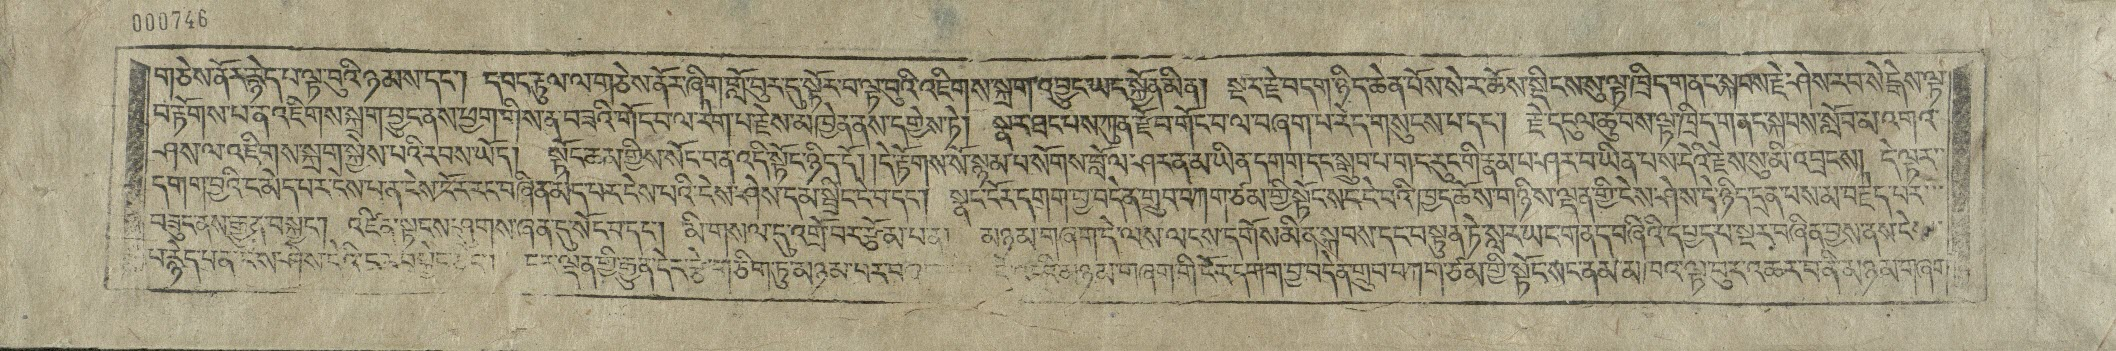གཅེས་ནོར་རྙེད་པ་ལྟ་བུའི་ཉམས་དང་། དབང་རྟུལ་ལ་གཅེས་ནོར་ཞིག་གློ་བུར་དུ་སྟོར་བ་ལྟ་བུའི་འཇིགས་སྐྲག་འབྱུང་ཡང་སྐྱོན་མིན། སྔར་རྗེ་བདག་ཉིད་ཆེན་པོས་སེ་ར་ཆོས་སྡིངས་སུ་ལྟ་ཁྲིད་གནང་སྐབས་རྗེ་ཤེས་རབ་སེངྒེས་ལྟ་
བ་རྟོགས་པ་ན་འཇིགས་སྐྲག་བྱུང་ནས་ཕྱག་གིས་ན་བཟའི་གོང་བ་ལ་རེག་པ་རྗེས་མཁྱེན་ནས་དགྱེས་ཏེ། སྣར་ཐང་པས་ཀུན་རྫོབ་གོང་བ་ལ་བཞག་པ་རེད་གསུངས་པ་དང་། རྗེ་དངུལ་ཆུ་བས་ལྟ་ཁྲིད་གནང་སྐབས་སློབ་མ་འགའ་
ཤས་ལ་འཇིགས་སྐྲག་སྐྱེས་པའི་རབས་ཡོད། སྟོང་ཆམ་གྱིས་སོང་བ་ན་འདི་སྟོང་ཉིད་དོ། །དེ་རྟོགས་སོ་སྙམ་པ་སོགས་བློ་ལ་ཤར་ན་མ་ཡིན་དགག་དང་སྒྲུབ་པ་གང་རུང་གི་རྣམ་པ་ཤར་བ་ཡིན་པས་དེའི་རྗེས་སུ་མི་འབྲངས། དེ་ལྟར་
དགག་བྱའི་ང་མེད་པར་ངེས་པ་ན་ངེས་ངོར་རང་བཞིན་མེད་པར་ངེས་པའི་ངེས་ཤེས་དམ་སྦྲིང་ངེ་བ་དང་། སྣང་ངོར་དགག་བྱ་བདེན་གྲུབ་བཀག་ཙམ་གྱི་སྟོང་སང་ངེ་བའི་ཁྱད་ཆོས་གཉིས་ལྡན་གྱི་ངེས་ཤེས་དེ་ཉིད་དྲན་པས་མ་བརྗེད་པར་
བཟུང་ནས་རྒྱུན་བསྐྱང་། འཛིན་སྟངས་ཤུགས་ཞན་དུ་སོང་བ་དང་། མི་གསལ་དུ་འགྲོ་བར་རྩོམ་པ་ན། མཉམ་གཞག་དེ་ལས་ལངས་དགོས་མིན་སྐབས་དང་བསྟུན་ཏེ་སླར་ཡང་གནད་བཞིའི་དཔྱད་པ་སྔར་བཞིན་བྱས་ནས་ངེས་
པ་རྙེད་པ་ན་ངེས་ཤེས་དེའི་ངར་བསྐྱེད་ཅིང་། ངར་ལྡན་གྱི་རྒྱུན་དེར་རྩེ་གཅིག་ཏུ་མཉམ་པར་བཞག་སྟེ། དེ་འདྲའི་མཉམ་གཞག་གི་ངོར་དགག་བྱ་བདེན་གྲུབ་བཀག་ཙམ་གྱི་སྟོང་སང་ནམ་མཁའ་ལྟ་བུར་འཆར་བ་ནི་མཉམ་གཞག་